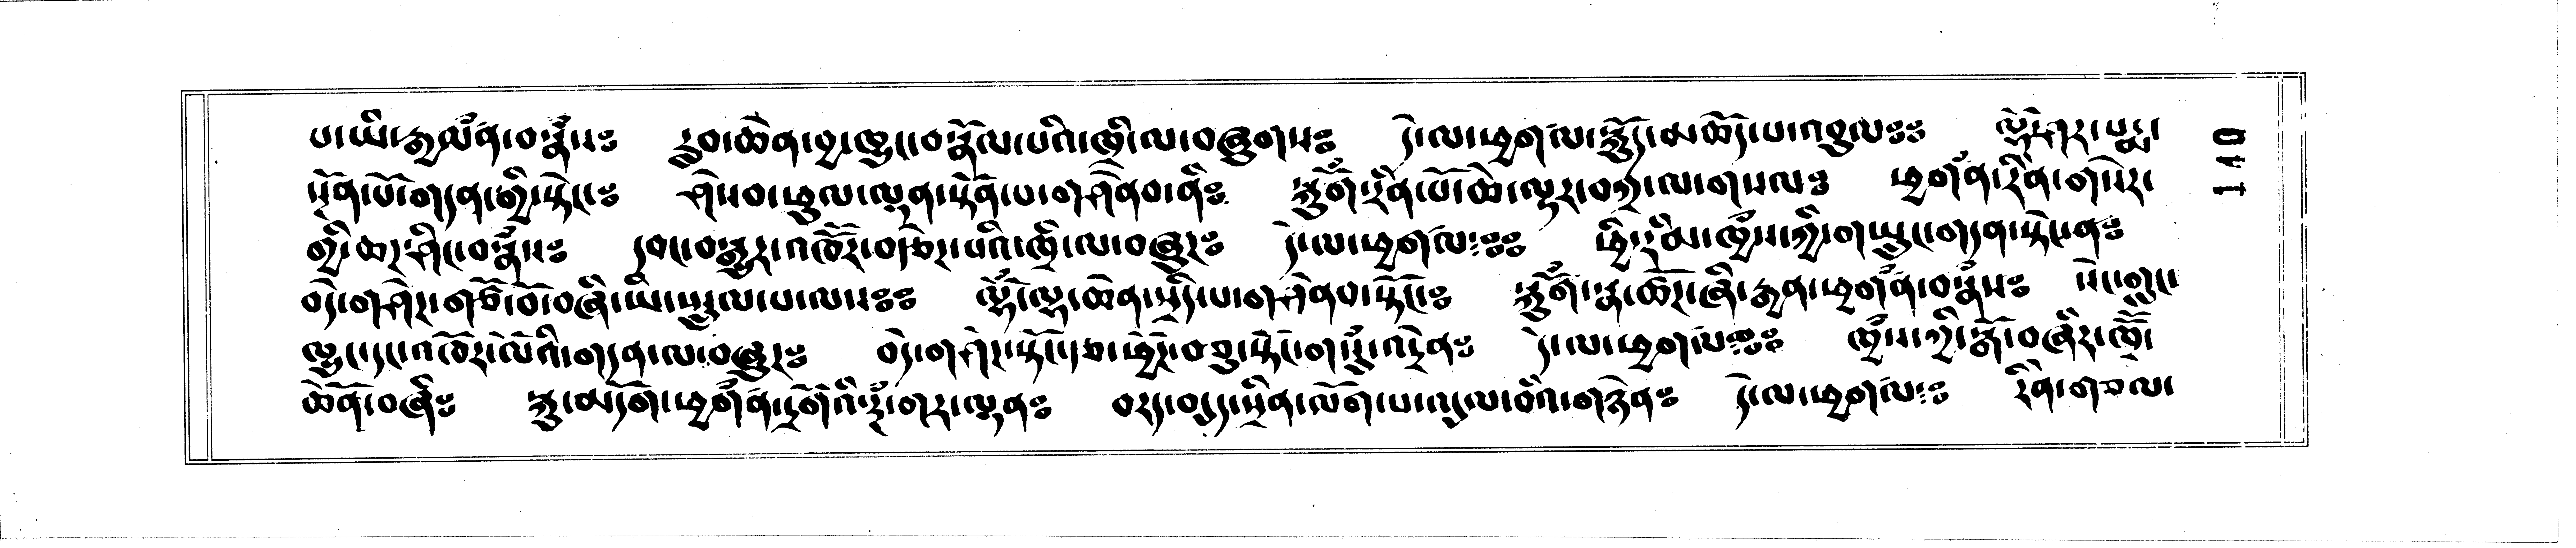པ་ཡི་རྒྱལ་མཚན་བསྣམསཿ རླབས་ཆེན་བྱ་ཁྱུང་བསྣོལ་བའི་ཁྲི་ལ་བཞུགསཿ དེ་ལ་ཕྱག་འཚལ་སྐུ་བསྟོད་མཆོད་པ་འབུལཿ ལྷོ་ཤར་པད་མ་
སྔོན་པོ་གདན་གྱི་སྟེངཿ ཤེས་རབ་ཕུལ་ལྡན་སྟོན་པ་གཤེན་རབ་ནིཿ སྐུ་མདོག་རིན་པོ་ཆེ་ལྟར་བཀྲ་ལ་གསལཿ ཕྱག་མཚན་རིན་ཆེན་གསེར་
གྱི་ཆག་ཤིང་བསྣམསཿ དབང་སྒྱུར་འཁོར་ལོ་བརྩེགས་པའི་ཁྲི་ལ་བཞུགསཿ དེ་ལ་ཕྱག་འཚལ་ ཕྱི་རིམ་ཁྱམས་ཀྱི་གཡུང་དྲུང་གདན་སྟེང་ནཿ 
བདེར་གཤེགས་གཙོ་བོ་བཞི་ཡི་སྤྲུལ་པ་ལསཿ ལྷ་མོ་ལྷ་ཆེན་སྲིད་པ་གཤེན་རབ་སྟོངཿ སྐུ་མདོག་སྣ་ཚོགས་ཞི་རྒྱན་ཕྱག་མཚན་བསྣམསཿ སེང་གླང་
ཁྱུང་དང་འཁོར་ལོའི་གདན་ལ་བཞུགསཿ བདེར་གཤེགས་སྟོང་རྩ་ཕྱོགས་བཅུ་སྟོང་གསུམ་འདྲེནཿ དེ་ལ་ཕྱག་འཚལ་སྐུ་བསྟོད་མཆོད་པ་འབུལཿ ཁྱམས་ཀྱི་སྒོ་བཞིར་ཁྲོ་
བོ་ཆེན་པོ་བཞིཿ སྐུ་མདོག་ཕྱག་མཚན་དྲག་པོའི་རྔམ་གར་ལྡནཿ བར་ཆད་བདུད་སྲིན་ལོག་པ་འདུལ་བའི་གཉེནཿ དེ་ལ་ཕྱག་འཚལ་ རིན་ཆེན་གཅལ་